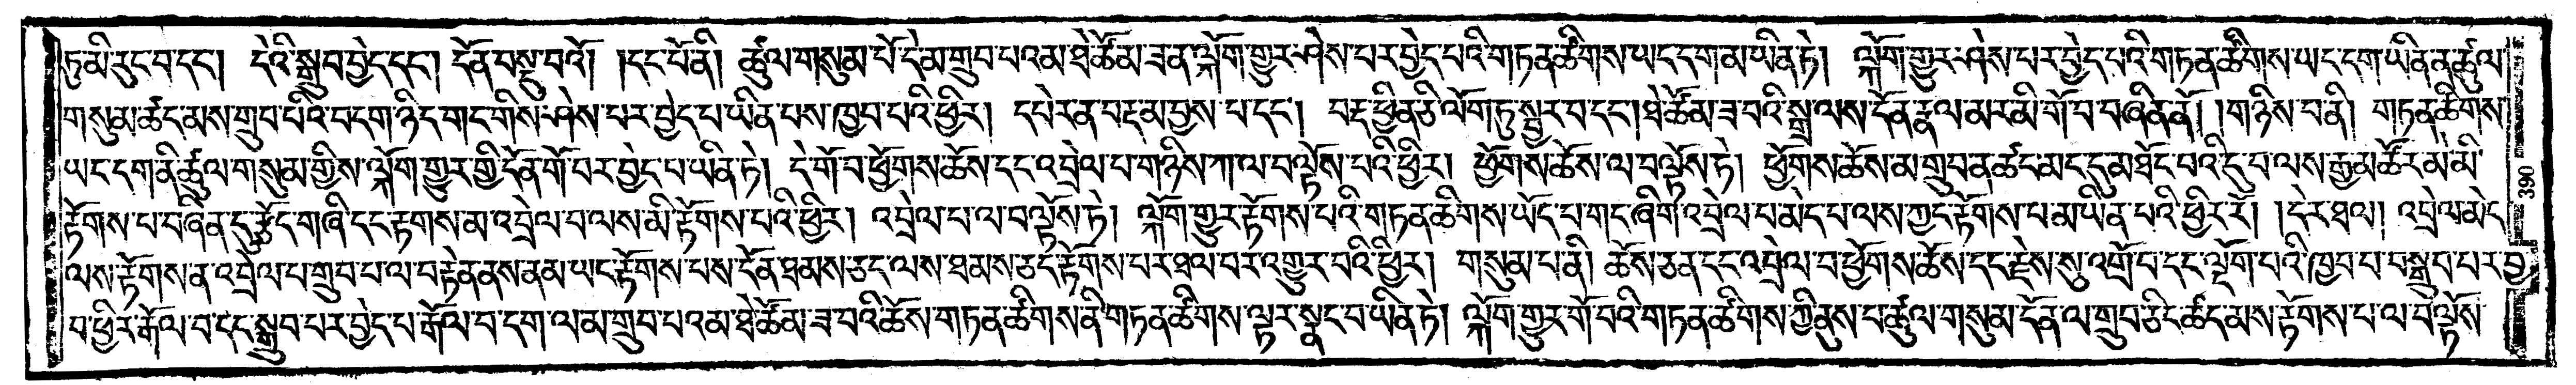ཏུ་མི་རུང་བ་དང་། དེའི་སྒྲུབ་བྱེད་དང་། དོན་བསྡུ་བའོ། །དང་པོ་ནི། ཚུལ་གསུམ་པོ་དེ་མ་གྲུབ་པའམ་ཐེ་ཚོམ་ཟ་ན་ལྐོག་གྱུར་ཤེས་པར་བྱེད་པའི་གཏན་ཚིགས་ཡང་དག་མ་ཡིན་ཏེ། ལྐོག་གྱུར་ཤེས་པར་བྱེད་པའི་གཏན་ཚིགས་ཡང་དག་ཡིན་ན་ཚུལ་
གསུམ་ཚད་མས་གྲུབ་པའི་བདག་ཉིད་གང་གིས་ཤེས་པར་བྱེད་པ་ཡིན་པས་ཁྱབ་པའི་ཕྱིར། དཔེར་ན་བརྡ་མ་བྱས་པ་དང་། བརྡ་ཕྱིན་ཅི་ལོག་ཏུ་སྦྱར་བ་དང་། ཐེ་ཚོམ་ཟ་བའི་སྒྲ་ལས་དོན་རྣལ་མར་མི་གོ་བ་བཞིན་ནོ། །གཉིས་བ་ནི། གཏན་ཚིགས་
ཡང་དག་ནི་ཚུལ་གསུམ་གྱིས་ལྐོག་གྱུར་གྱི་དོན་གོ་བར་བྱེད་པ་ཡིན་ཏེ། དེ་གོ་བ་ཕྱོགས་ཆོས་དང་འབྲེལ་པ་གཉིས་ཀ་ལ་བལྟོས་པའི་ཕྱིར། ཕྱོགས་ཆོས་ལ་བལྟོས་ཏེ། ཕྱོགས་ཆོས་མ་གྲུབ་ན་ཚད་མང་དུ་མཐོང་བའི་དུ་བ་ལས་རྒྱ་མཚོར་མ་མི་
རྟོགས་པ་བཞིན་དུ་རྩོད་གཞི་དང་རྟགས་མ་འབྲེལ་བ་ལས་མི་རྟོགས་པའི་ཕྱིར། འབྲེལ་པ་ལ་བལྟོས་ཏེ། ལྐོག་གྱུར་རྟོགས་པའི་གཏན་ཆིགས་ཡོད་པ་གང་ཞིག་འབྲེལ་པ་མེད་པ་ལས་ཀྱང་རྟོགས་པ་མ་ཡིན་པའི་ཕྱིར་རོ། །དེར་ཐལ། འབྲེལ་མེད་
ལས་རྟོགས་ན་འབྲེལ་པ་གྲུབ་པ་ལ་བརྟེན་ནས་ནམ་ཡང་རྟོགས་པས་དོན་ཐམས་ཅད་ལས་ཐམས་ཅད་རྟོགས་པར་ཐལ་བར་འགྱུར་བའི་ཕྱིར། གསུམ་པ་ནི། ཆོས་ཅན་དང་འབྲེལ་བ་ཕྱོགས་ཆོས་དང་རྗེས་སུ་འགྲོ་བ་དང་ལྡོག་པའི་ཁྱབ་པ་བསྒྲུབ་པར་བྱ་
བ་ཕྱིར་རྒོལ་བ་དང་སྒྲུབ་པར་བྱེད་པ་རྒོལ་བ་དག་ལ་མ་གྲུབ་པའམ་ཐེ་ཚོམ་ཟ་བའི་ཆོས་གཏན་ཚིགས་ནི་གཏན་ཚིགས་ལྟར་སྣང་བ་ཡིན་ཏེ། ལྐོག་གྱུར་གོ་བའི་གཏན་ཚིགས་ཀྱི་ནུས་པ་ཚུལ་གསུམ་དོན་ལ་གྲུབ་ཅིང་ཚད་མས་རྟོགས་པ་ལ་བལྟོས་